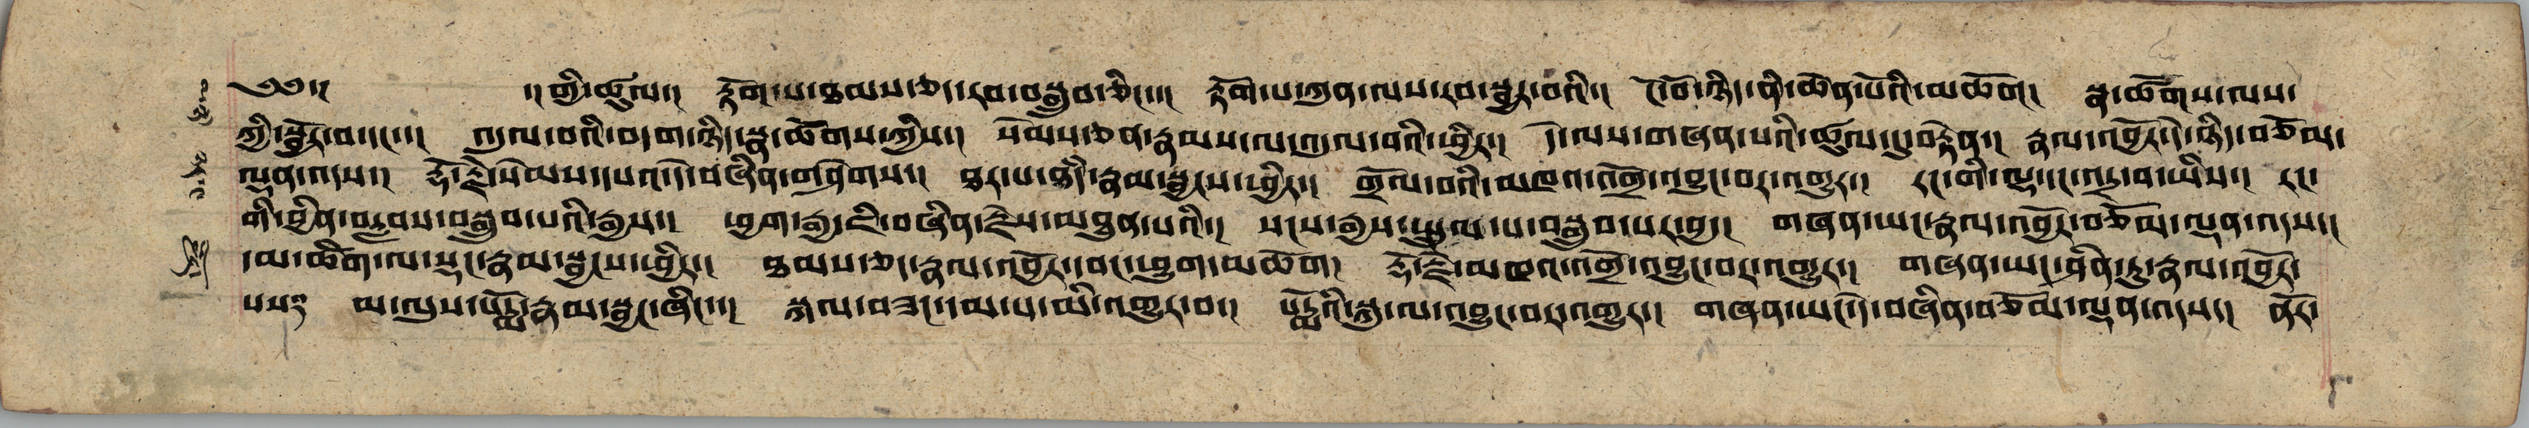༄༅་། ་།གྱི་ཚུལ་། རྟོག་པ་ཐམས་ཅད་རབ་བསྒྲུབ་ཅིང་། རྟོག་པ་ཀུན་ལས་རབ་སྦྱར་བའི་། ངོ་བོ་ཉིད་ནི་ཆེན་པོའི་མཆོག། སྣ་ཚོགས་ལས་
ཀྱི་སྦྱོར་བ་དང་་། འདུལ་བའི་བདག་ཉིད་སྣ་ཚོགས་ཀྱིས་། སེམས་ཅན་རྣམས་ལ་འདུལ་བའི་ཕྱིར་། དེ་ལས་གཞན་པའི་ཚུལ་དུ་བརྟེན་། རྣལ་འབྱོར་དེ་ཉིད་བཅོམ་
ལྡན་འདས་། རྡོ་རྗེ་སེམས་དཔའ་དེ་བཞིན་གཤེགས་། ཐར་པ་ཐཾད་རྣམ་སྦྱངས་ཕྱིར་། གྲོལ་བའི་མཁའ་འགྲོ་འབྱུང་བར་འགྱུར་། རང་གི་ལྷ་དང་འདྲ་བ་ཡིས་། རང་
གི་བྱིན་བརླབས་བསྒྲུབ་པའི་རྒྱས་། ཕྱག་རྒྱ་ཇི་བཞིན་རྗེས་མཐུན་པའི་། སངས་རྒྱས་སྤྲུལ་པ་བསྒྲུབ་པར་བྱ་། གཞན་ཡང་རྣལ་འབྱོར་བཅོམ་ལྡན་འདས་།
དམ་ཚིག་ལ་སྡང་རྣམ་སྦྱངས་ཕྱིར་། ཐམས་ཅད་རྣལ་འབྱོར་དབང་ཕྱུག་མཆོག། རྡོ་རྗེ་མཁའ་འགྲོ་འབྱུང་བར་འགྱུར་། གཞན་ཡང་ཤིན་ཏུ་རྣལ་འབྱོར་
པས༑ མ་ལུས་པདྨོ་རྣམ་སྦྱངས་ཞིང་་། སྐལ་བཟང་དམ་པ་མི་འགྱུར་བ་། པདྨོའི་སྐུ་ལ་འབྱུང་བར་འགྱུར་། གཞན་ཡང་དེ་བཞིན་བཅོམ་ལྡན་འདས་། ནོར་